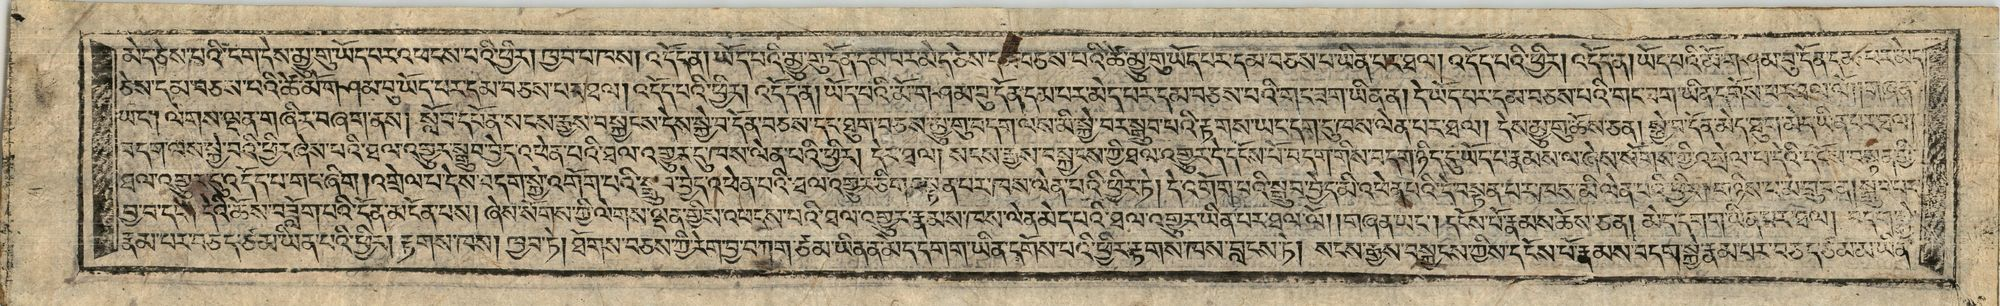མེད་ཅེས་པའི་ངག་དེས་མྱུ་གུ་ཡོད་པར་འཕངས་པའི་ཕྱིར། ཁྱབ་པ་ཁས། འདོད་ན། ཡོད་པའི་མྱུ་གུ་དོན་དམ་པར་མེད་ཅེས་དམ་བཅས་པའི་ཚེ་མྱུ་གུ་ཡོད་པར་དམ་བཅས་པ་ཡིན་པར་ཐལ། འདོད་པའི་ཕྱིར། འདོད་ན། ཡོད་པའི་མོ་གཤམ་བུ་དོན་དམ་པར་མེད་
ཅེས་དམ་བཅས་པའི་ཚེ་མོ་གཤམ་བུ་ཡོད་པར་དམ་བཅས་པར་ཐལ། འདོད་པའི་ཕྱིར། འདོད་ན། ཡོད་པའི་མོ་གཤམ་བུ་དོན་དམ་པར་མེད་པར་དམ་བཅས་པའི་གང་ཟག་ཡིན་ན། དེ་ཡོད་པར་དམ་བཅས་པའི་གང་ཟག་ཡིན་དགོས་པར་ཐལ་ལོ། །གཞན་
ཡང་། ལེགས་ལྡན་གཞིར་བཞག་ནས། སློབ་དཔོན་སངས་རྒྱས་བསྐྱངས་དེས་སྐྱེ་བ་དོན་བཅས་དང་ཐུག་བཅས་མྱུ་གུ་བདག་ལས་མི་སྐྱེ་བར་སྒྲུབ་པའི་རྟགས་ཡང་དག་དུ་ཁས་ལེན་པར་ཐལ། དེས་མྱུ་གུ་ཆོས་ཅན། སྐྱེ་བ་དོན་མེད་ཐུག་མེད་ཡིན་པར་ཐལ།
བདག་ལས་སྐྱེ་བའི་ཕྱིར་ཞེས་པའི་ཐལ་འགྱུར་སྒྲུབ་བྱེད་འཕེན་པའི་ཐལ་འགྱུར་དུ་ཁས་ལེན་པའི་ཕྱིར། དེར་ཐལ། སངས་རྒྱས་བསྐྱངས་ཀྱི་ཐལ་འགྱུར་དེ་དངོས་པོ་བདག་གིས་བདག་ཉིད་དུ་ཡོད་པ་རྣམས་ལ་ཞེས་སོགས་ཀྱི་འགྲེལ་པ་དེའི་དངོས་བསྟན་གྱི་
ཐལ་འགྱུར་དུ་འདོད་པ་གང་ཞིག ། འགྲེལ་པ་དེས་བདག་སྐྱེ་འགོག་པའི་སྒྲུབ་བྱེད་འཕེན་པའི་ཐལ་འགྱུར་ཅིག་བསྟན་པར་ཁས་ལེན་པའི་ཕྱིར་ཏེ། དེ་འགོག་པའི་སྒྲུབ་བྱེད་མི་འཕེན་པའི་དེ་བསྟན་པར་ཁས་མི་ལེན་པའི་ཕྱིར། གཉིས་པ་མ་གྲུབ་ན། སྒྲུབ་པར་
བྱ་བ་དང་། དེའི་ཆོས་བཟློག་པའི་དོན་མངོན་པས། ཞེས་སོགས་ཀྱི་ལེགས་ལྡན་གྱིས་འཕངས་པའི་ཐལ་འགྱུར་རྣམས་ཁས་ལེན་མེད་པའི་ཐལ་འགྱུར་ཡིན་པར་ཐལ་ལོ། །གཞན་ཡང་། དངོས་པོ་རྣམས་ཆོས་ཅན། མེད་དགག་ཡིན་པར་ཐལ། བདག་སྐྱེ་
རྣམ་པར་བཅད་ཙམ་ཡིན་པའི་ཕྱིར། རྟགས་ཁས། ཁྱབ་ཏེ། ཐོགས་བཅས་ཀྱི་རེག་བྱ་བཀག་ཙམ་ཡིན་ན་མེད་དགག་ཡིན་དགོས་པའི་ཕྱིར་རྟགས་ཁས་བླངས་ཏེ། སངས་རྒྱས་བསྐྱངས་ཀྱིས་དངོས་པོ་རྣམས་བདག་སྐྱེ་རྣམ་པར་བཅད་ཙམ་མ་ཡིན་